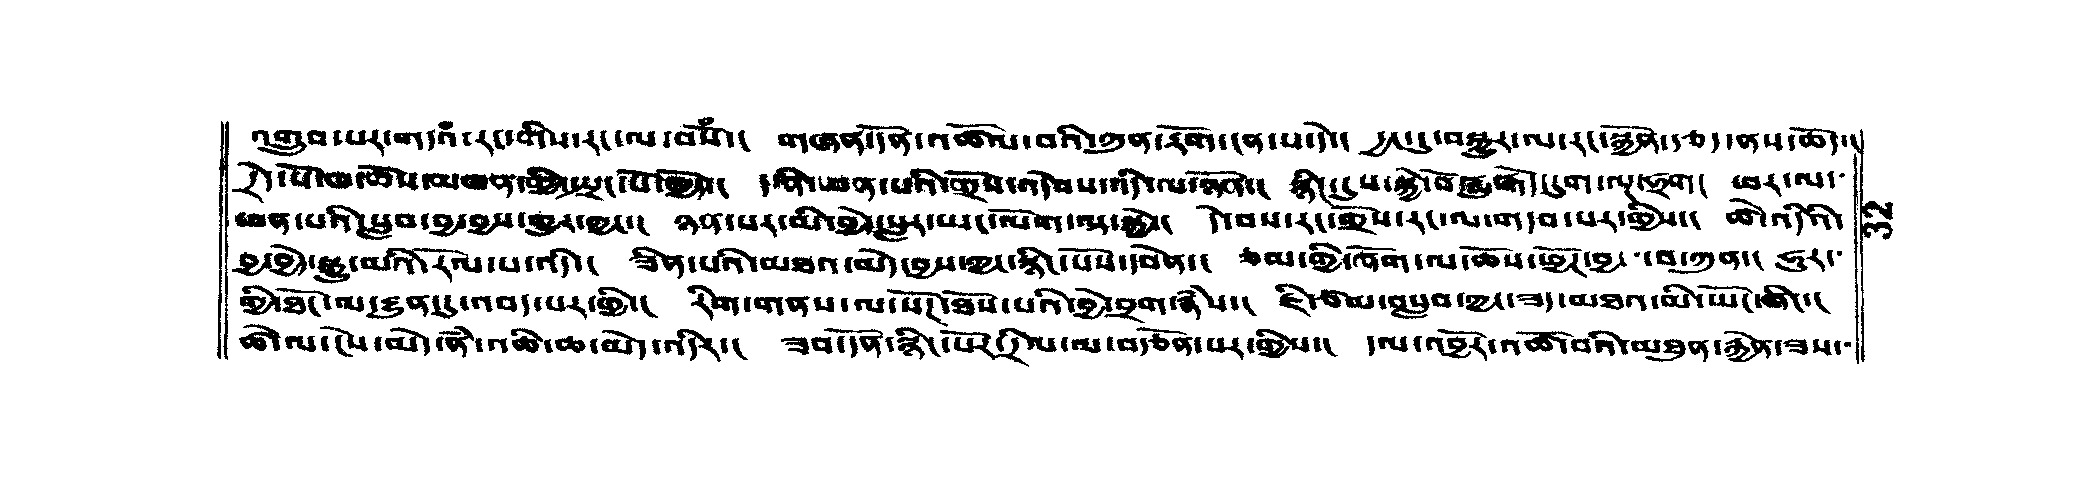།འགྲུབ་པར་གདའ་འམ་རང་གིས་རང་ལ་སོམས། །གཞན་དོན་འཚོལ་བའི་ཀུན་རྟོག་ངན་པ་དེ། །རྒྱང་དུ་བསྐྱུར་ལ་རང་སྐྱོན་རྩད་ནས་ཆོད། །
དྲེད་པོ་ཁ་ཆོས་མཁན་གྱི་སྤྲང་པོ་ཁྱོད། །ད་ནི་ཕན་པའི་གྲོས་འདེབས་འདི་ལ་ཉོན། །སྙིགས་དུས་སྐྱེ་བོ་རྨུ་རྒོད་དུག་ལྔ་ཧྲག །ཕར་ལ་
ཕན་པའི་བསླབ་བྱ་བྱས་གྱུར་ཀྱང་། །ཉན་པར་མི་བྱེད་སླར་ཡང་ལོག་ལྟ་སྐྱེ། །དེ་བས་རང་གྲོས་རང་ལ་གདབ་པར་གྱིས། །ཚེ་འདིའི་
བྱ་བྱེད་སྒྱུ་མའི་རོལ་བ་འདི། །ཟིན་པའི་མཐའ་མེད་བྱས་ཀྱང་སྙིང་པོས་དབེན། །ཅམ་གྱི་ཞོག་ལ་ཆོས་ཕྱོགས་བྱ་བ་ཀུན། །ཧུར་
གྱིས་ཐོངས་ལ་རྒྱུན་དུ་འབད་པར་གྱིས། །རིག་གནས་ལ་སོགས་ཐོས་པའི་བྱེ་བྲག་རྣམས། །ཇི་ཙམ་བསླབ་ཀྱང་ཟད་མཐའ་མི་ཡོང་ཞིང་། །
ཚེ་ལ་ངེས་མེད་ནམ་འཆི་ཆ་མེད་འདིར། །ཟབ་དོན་སྙིང་པོར་དྲིལ་ལ་བརྩོན་པར་གྱིས། །དལ་འབྱོར་འཚོ་བའི་མཐུན་རྐྱེན་ཟས་